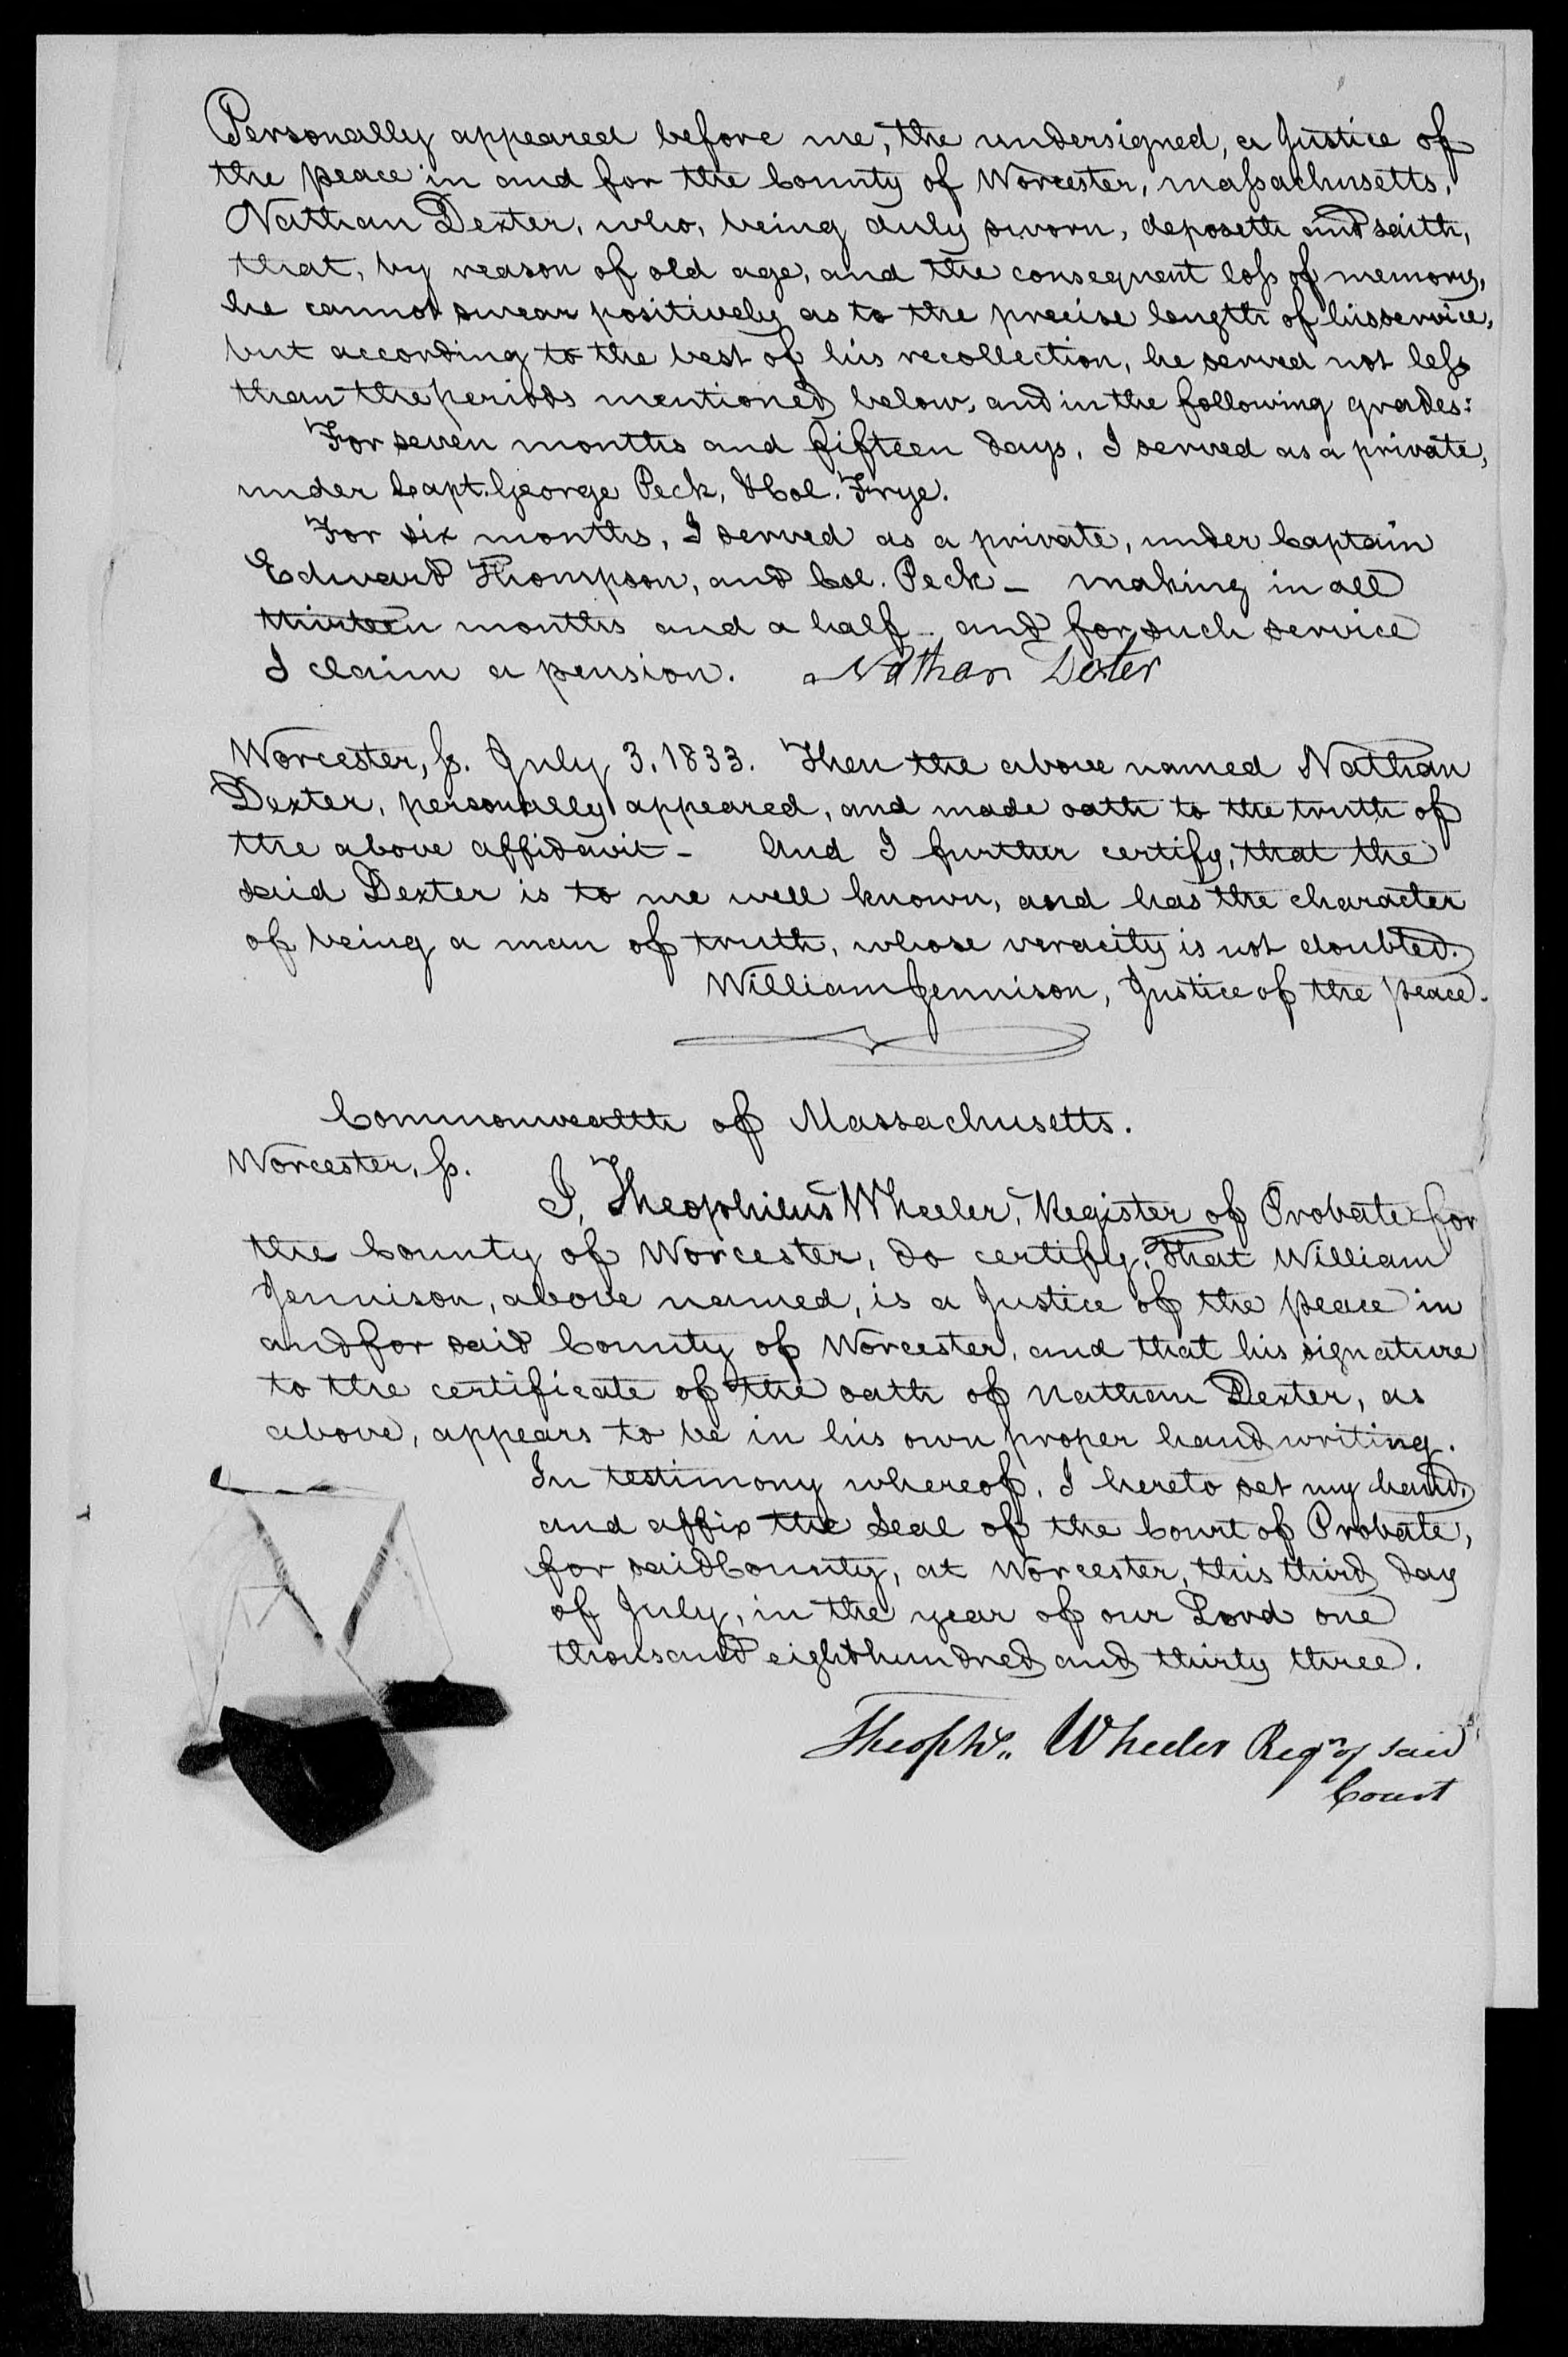Personally appeared before me, the undersigned, a Justice of the peace in and for the County of Worcester, Massachusetts, Nathan Dexter, who, being duly sworn, deposeth and saith, that, by reason of old age, and the consequent loss of memory, he cannot swear positively as to the precise length of his service but according to the best of his recollection, he served not less than the periods mentioned below, and in the following grades: For seven months and fifteen days, I served as a private, under Capt. George Peck, & Col. Frye. For six months, I served as a private, under Captain Edward Thompson, and Col. Peck, making in all thirteen months and a half, and for such service I claim a pension. Nathan Dexter. 

Worcester, Ss. July 3, 1833. Then the above named Nathan Dexter, personally appeared, and made oath to the truth of the above affidavit. And I further certify, that the said Dexter is to me well known, and has the character of being a man of truth, whose veracity is not doubted. William Jennison, Justice of the Peace. 

Commonwealth of Massachusetts. Worcester Ss. I, Theophilus Wheeler, Register of Probate for the County of Worcester, do certify that William Jennison, above named, is a Justice of the Peace in and for said County of Worcester, and that his signature to the certificate of the oath of Nathan Dexter, as above, appears to be in his own handwriting . In testimony whereof, I hereto set my hand and affix the seal of the Court of Probate, for said County, at Worcester, this third day of July , in the year of our Lord One thousand eight hundred and thirty three. Theophs. Wheeler Regr said Court.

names: Nathan Dexter, Edward Thompson, Nathan Dexter, William Jennison, Dexter, William Jennison, Nathan Dexter, George Peck, Theophilus Wheeler, Peck, Frye, Nathan Dexter, Theophs Wheeler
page: 34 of 35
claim: survivor's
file: S. 18374, Nathan Dexter, R.I.